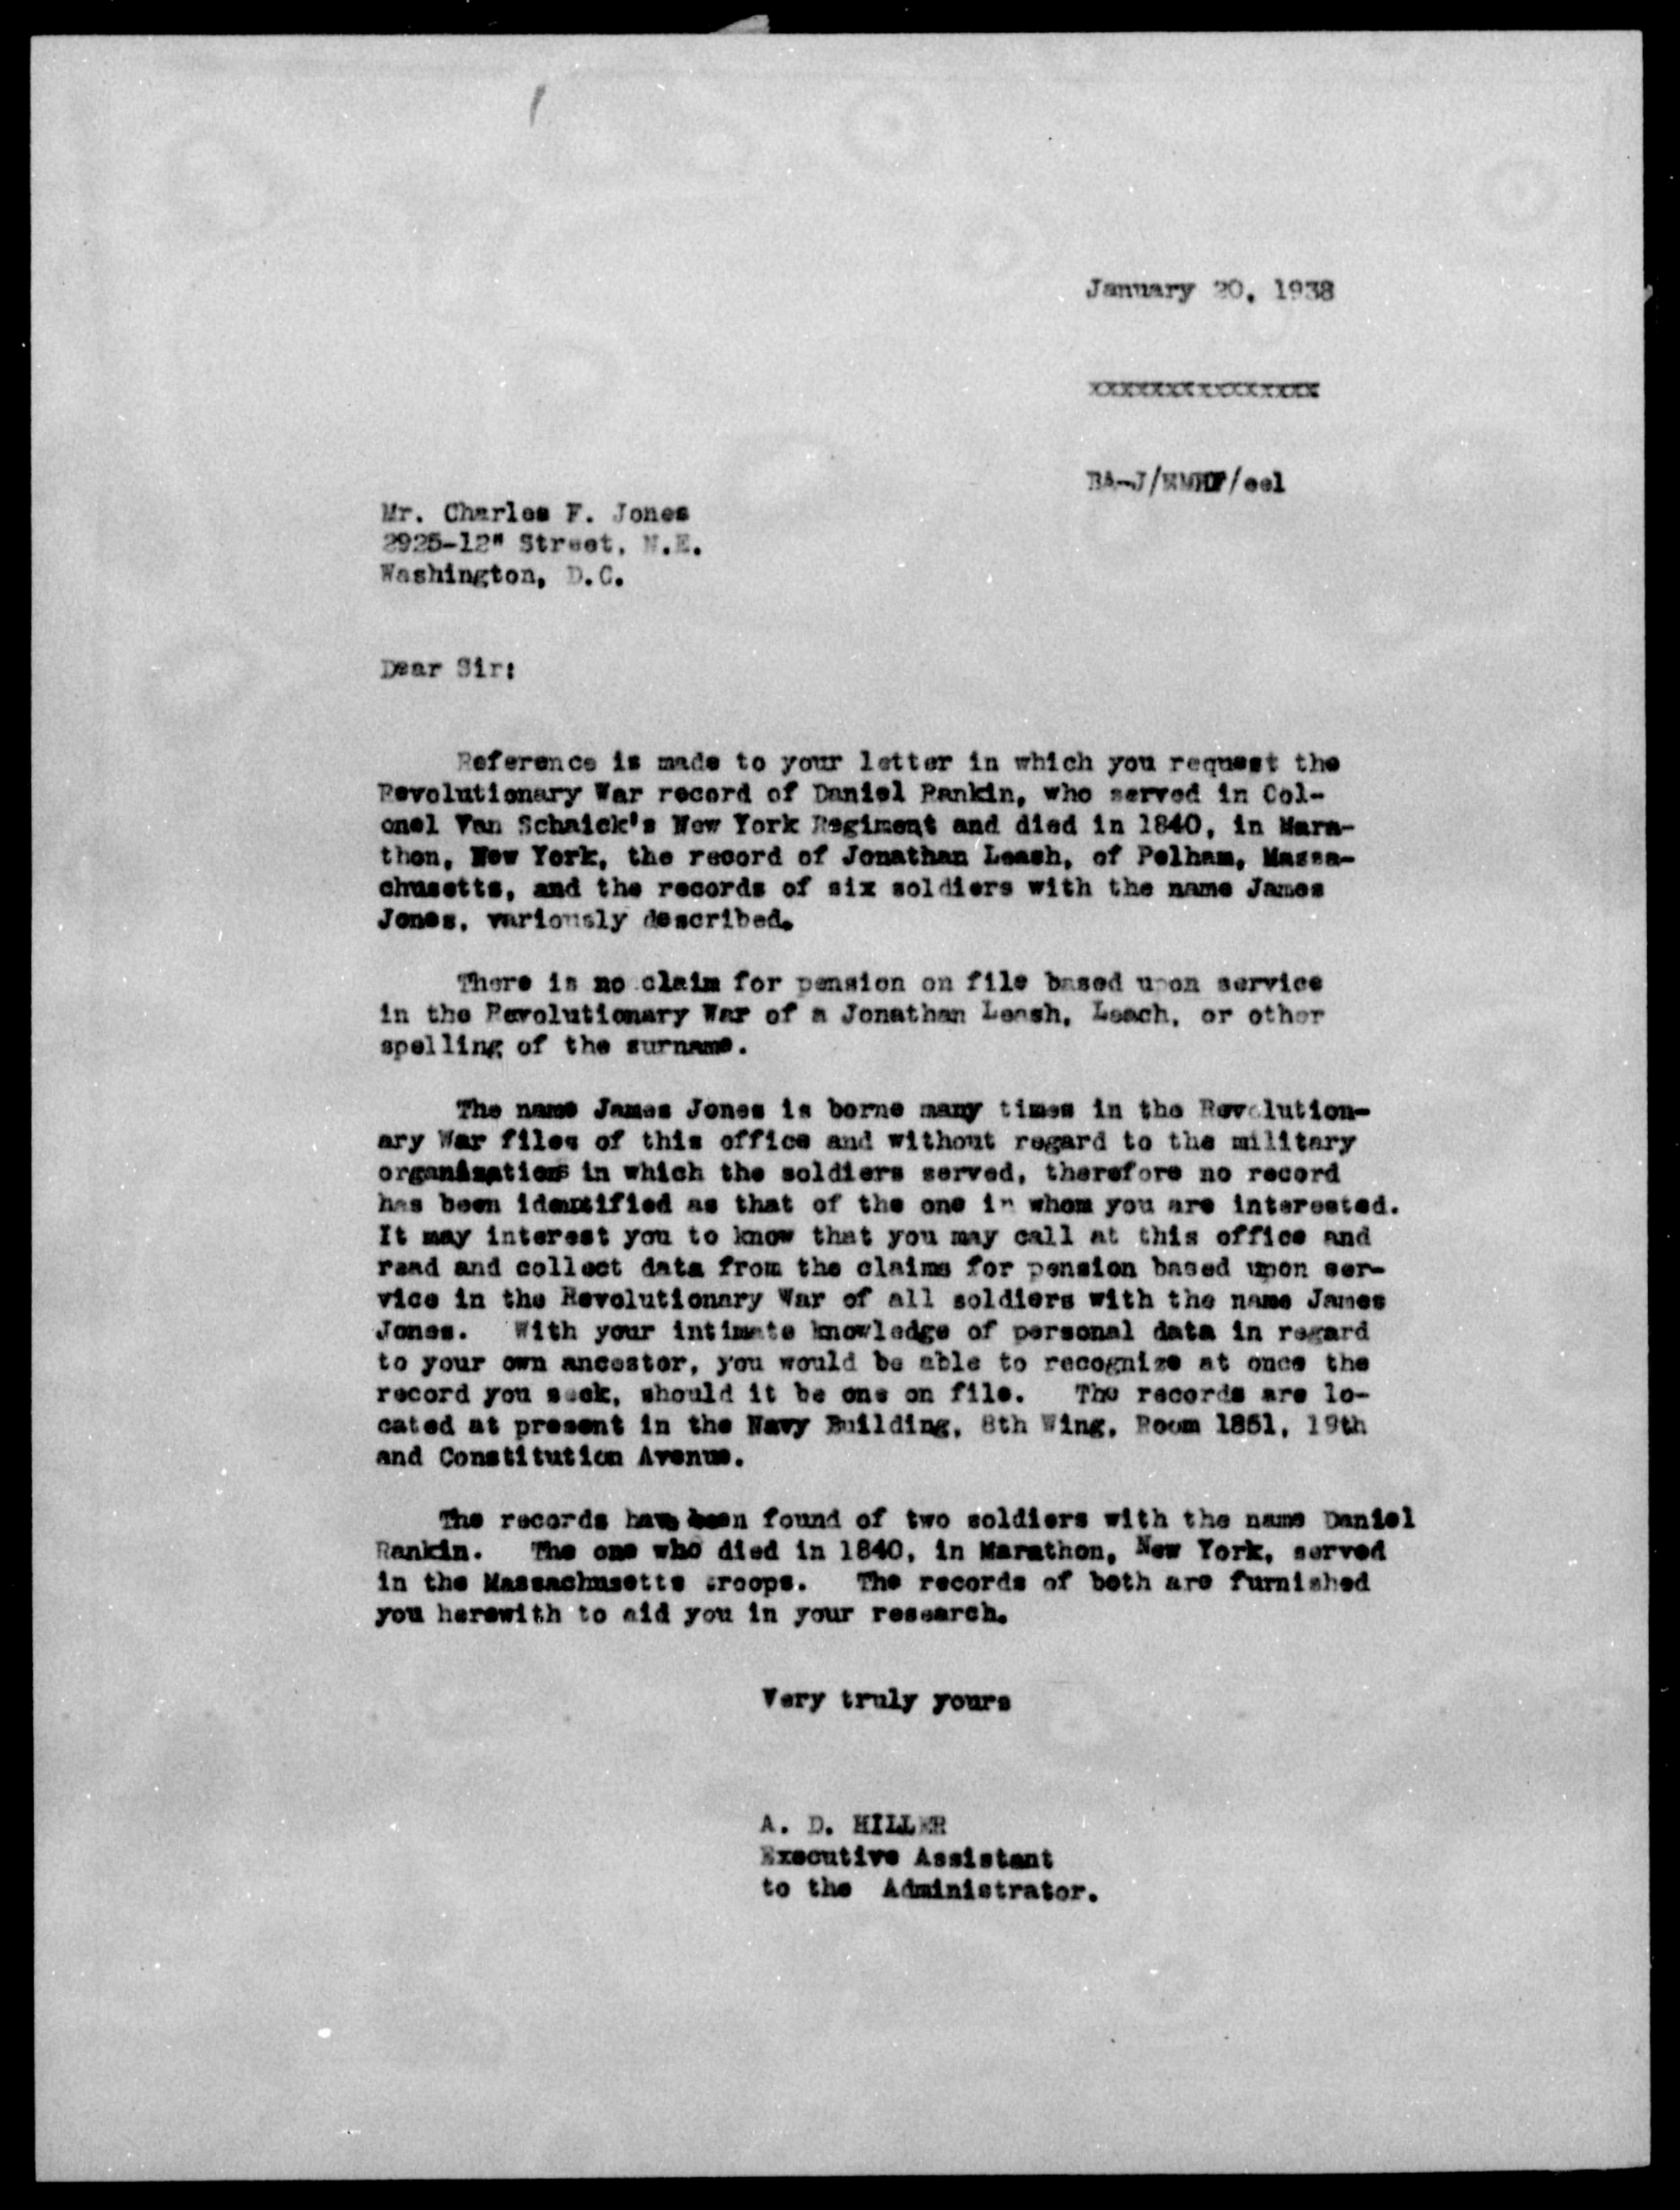January 20, 1938
BA-J/WMHF (?) eel

Mr. Charles F. Jones
2925-12th Street, N.E.
Washington, D.C.

Dear Sir:

Reference is made to your letter in which you request the Revolutionary War record of Daniel Rankin, who served in Colonel Van Schaick's New York Regiment and died in 1840, in Marathon, New York, the record of Jonathan Leash, of Pelham, Massachusetts, and the records of six soldiers with the name James Jones, variously described. 

There is no claim for pension on file based upon service in the Revolutionary War of a Jonathan Leash, Leech, or other spelling of the surname. 

The name James Jones is borne many times in the Revolutionary War files of this office and without regard to the military organization in which the soldiers served, therefore no record has been identified as that of the oe in whom you are interested. It may interest you to know that you may call at this office and read and collect data from the claims for pension based upon services in the Revolutionary War of all soldiers with the name James Jones. With your intimate knowledge of personal data in regard to your own ancester, you would be able to recognize at once the record you seek, should it be one on file. The records are located at present in the Navy Building, 8th Wing, room 1851, 19th and Constitution Avenue. 

The records have been found of two soldiers with the name Daniel Rankin. The one who died in 1840, in Marathon, New York, served in the Massachusetts troops. The records of both are furnished you herewith to aid you in your research. 

Very truly yours

A.D. Hiller
Executive Assistant
to the Administrator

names: Charles F Jones; Jonathan Leach; Daniel Rankin; Daniel Rankin; James Jones; Jonathan Leash; A D Hiller; James Jones; Jonathan Leash; James Jones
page: 24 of 27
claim: survivor's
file: S. 43897, for Daniel Rankin, New York